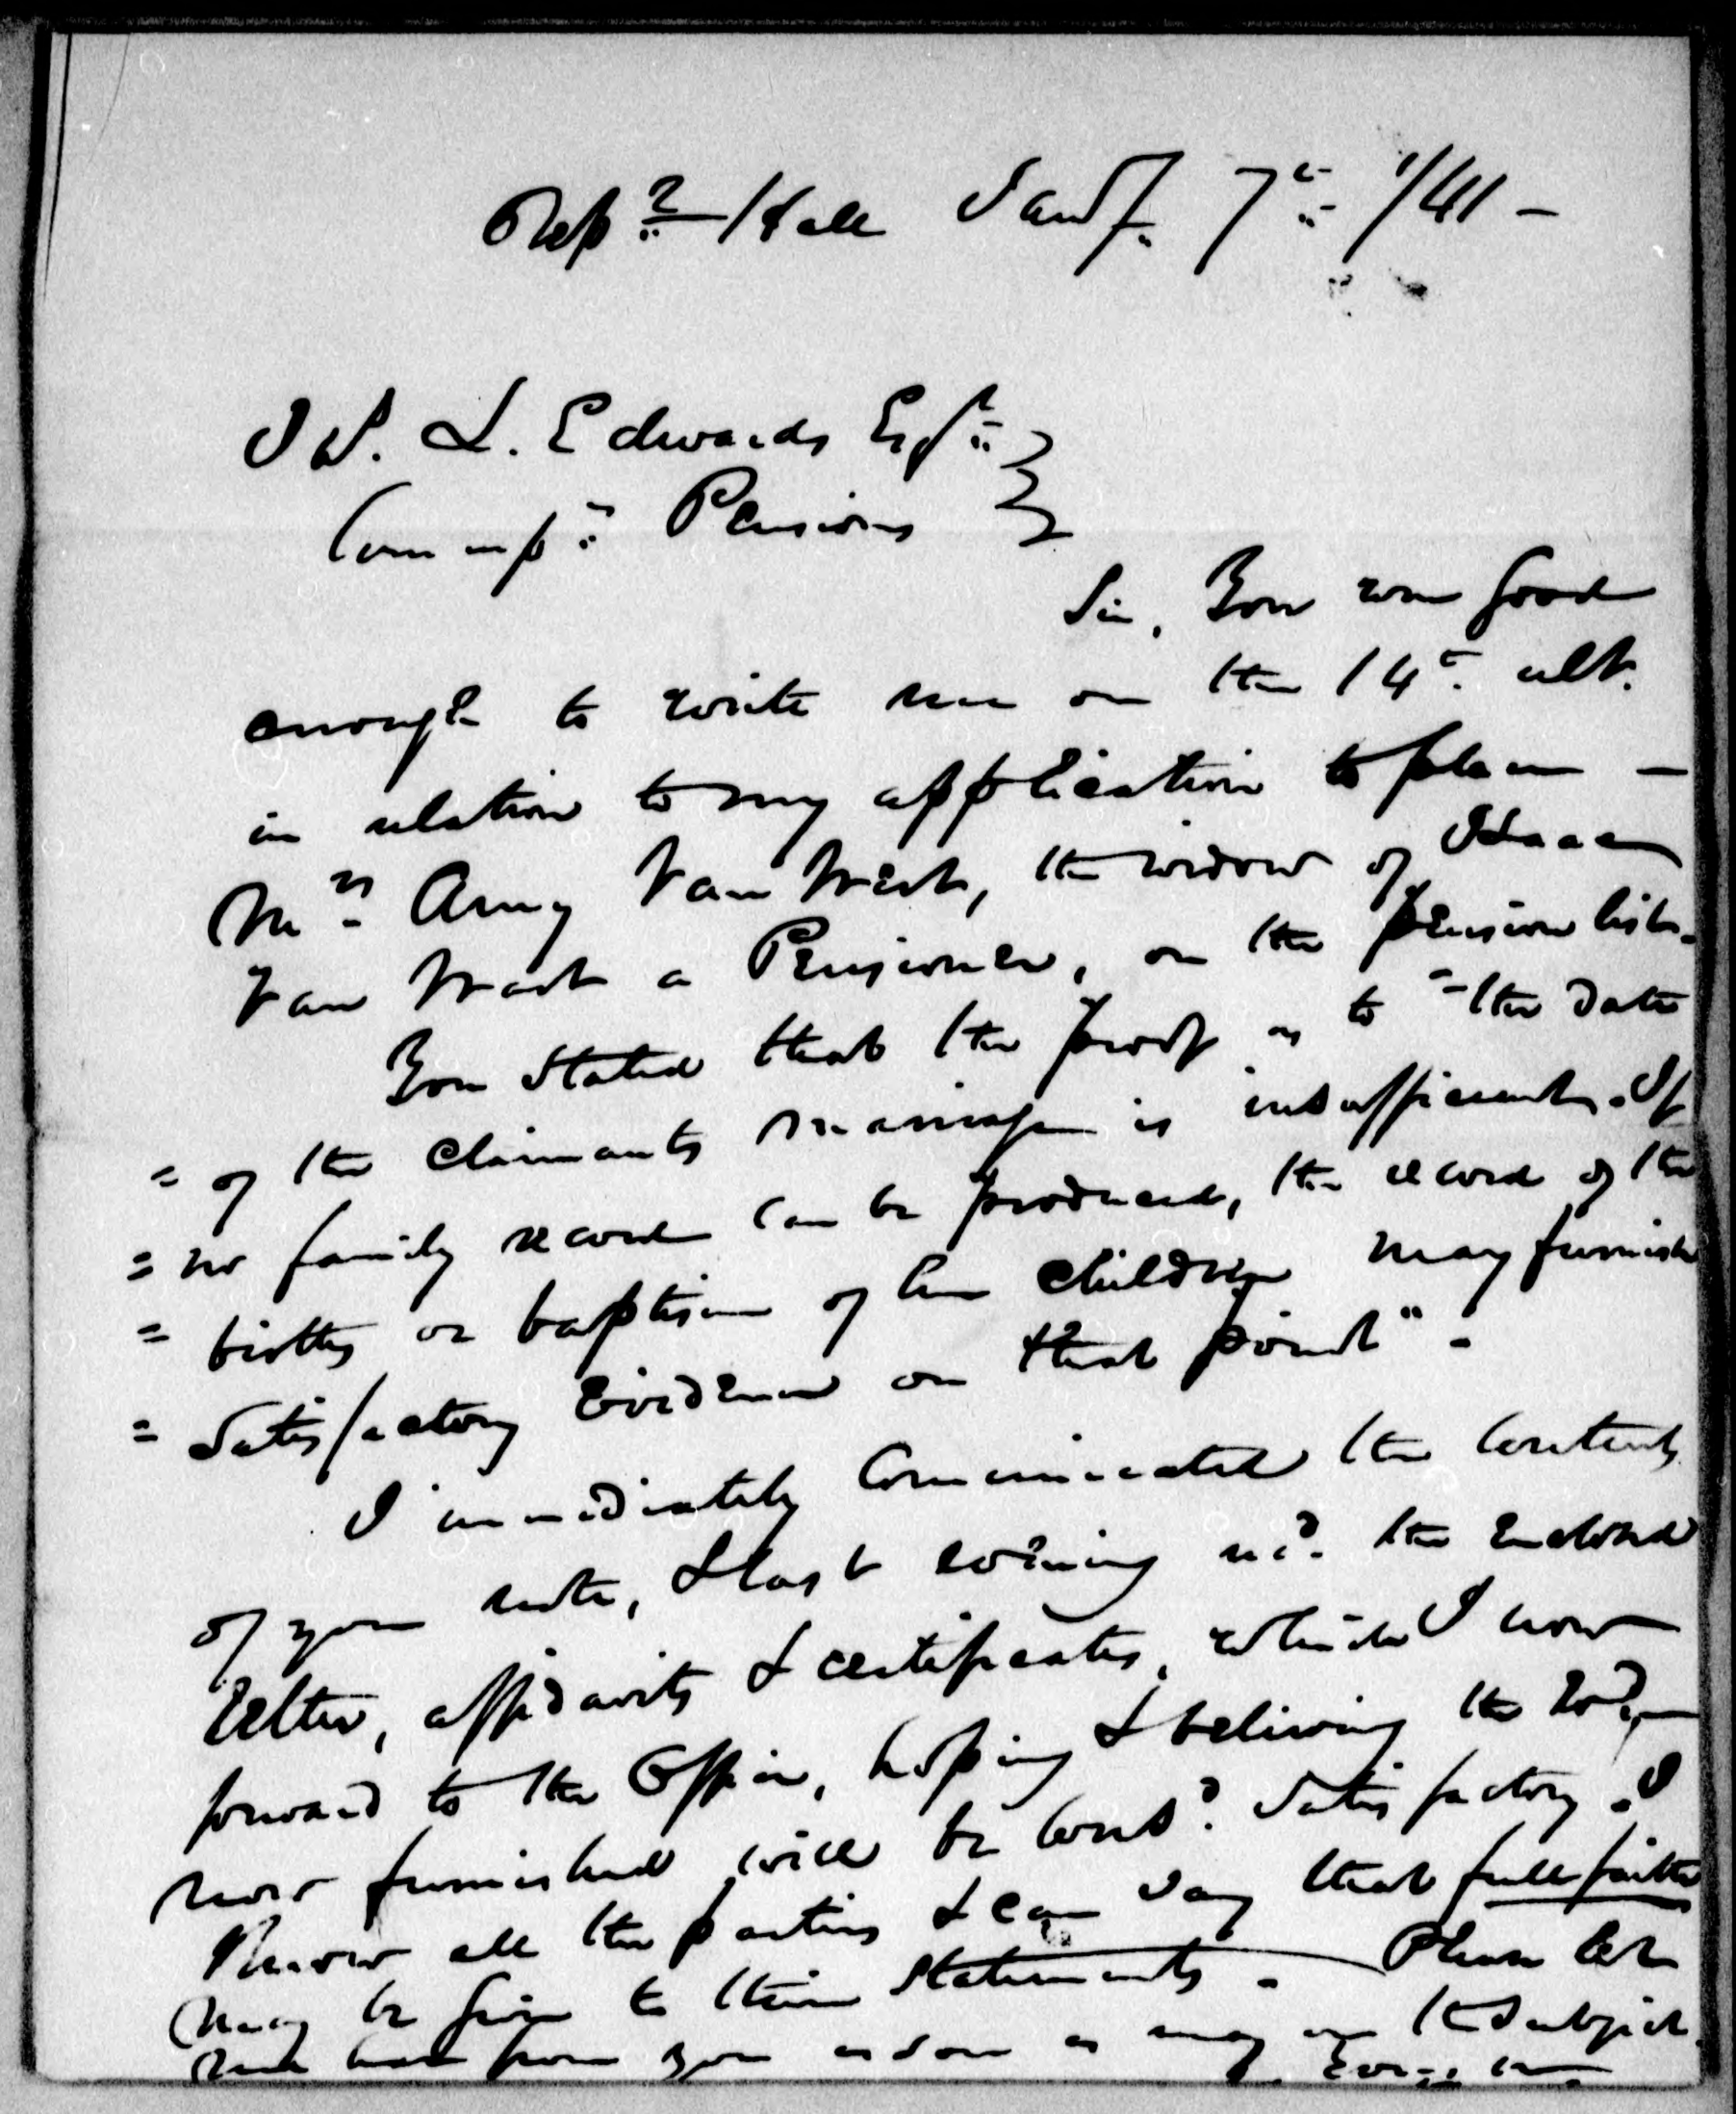Rep Hall Jany 7th /41- 
J. L. Edwards Esqr 
Commssr Pensions 
Sir  You were good enough to write me on the 14th ult. in relation to my application to place Mrs Amy Van Wart, the widow of Isaac Van Wart a Pensioner, on the pension lists –
You stated that the proof as to “the date of the claimants marriage is insufficient. If no family record can be produced, the record of the birth or baptism of his children may furnish Satisfactory Evidence on that point” –
I immediately communicated the contents of your note, & last evening recd the enclosed letter, affidavits & certificates, which I now forward to the office, hoping & believing [illegible] now furnished will be consd satisfactory  I know all the parties & can say that full faith may be said to their statements – Please let me know from you as soon as may [illegible]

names: Jas L Edwards, Amy Van Wert, Isaac Van Wart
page: 55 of 102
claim: widow's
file: W. 18239, Isaac Van Wart, New York